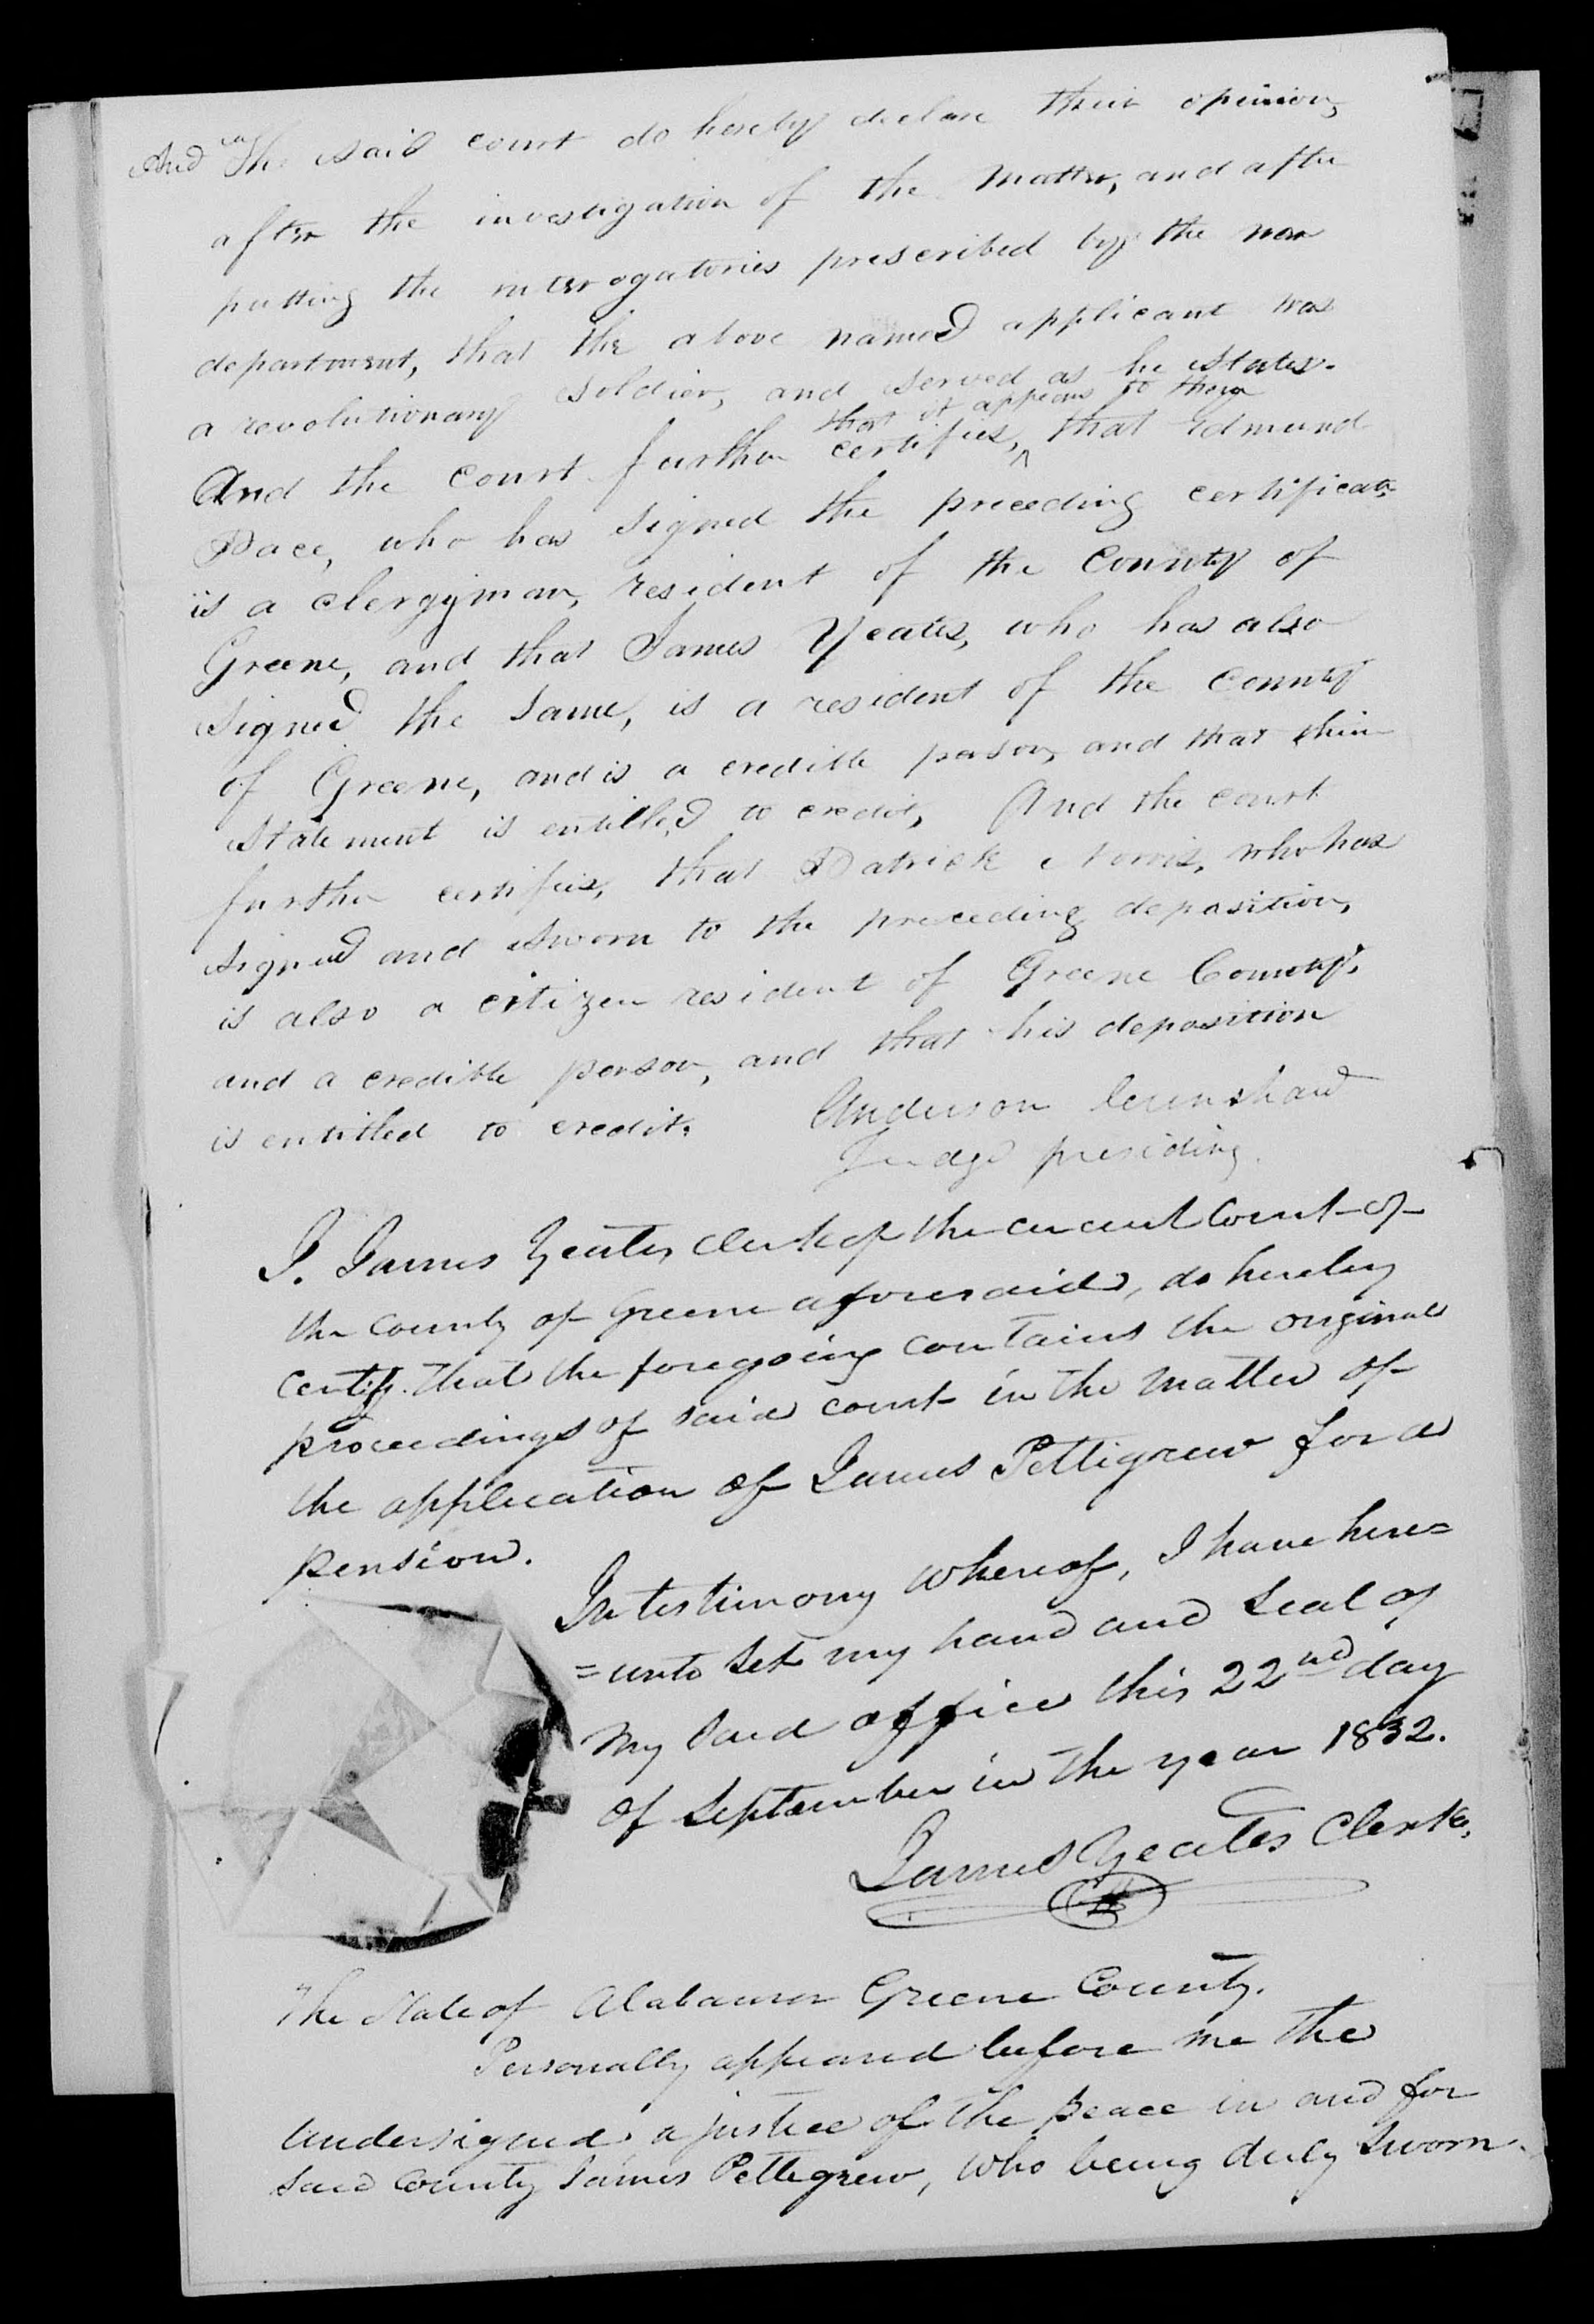And the said court do hereby declare that opinion,
after the investigation of the matter, and after
putting the interrogatories prescribed by the war
department, that the above named applicant was 
a revolutionary soldier, and served as he states

And the Court further certifies, that it appears to them Edmund 
Pace who has signed the preceding certificate
is a clergyman, resident of the County of
Greene, and that James Yeates, who has also
signed the same, is a resident of the County
of Greene, and is a credible person, and that the
statement is entitled to credit. And the Court
further certifies, that Patrick Norris, who has
signed and sworn to the preceding deposition
is also a citizen resident of Greene County
and a credible person and that his deposition
is entitled to credit.
Anderson [illegible]shaw
Judge presiding


I, James Yeates Clerk of the circuit Court of
the County of Green aforesaid, do hereby
certify that the foregoing contains the original
proceedings of said court in the matter of
the application of James Pettigrew for a
Pension

In testimony whereof, I have here
= unto set my hand and seal of
my said office this 22nd day
of September in the year 1832.
James Yeates Clerk
SEAL

The State of Alabama Greene County
Personally appeared before me the
undersigned a justice of the peace in and for
said County James Pettegrew, who being duly sworn

SEAL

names: James Yeates; Edmund Pace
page: 24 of 92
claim: widow's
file: W. 5522, for James Pettigrew, South Carolina